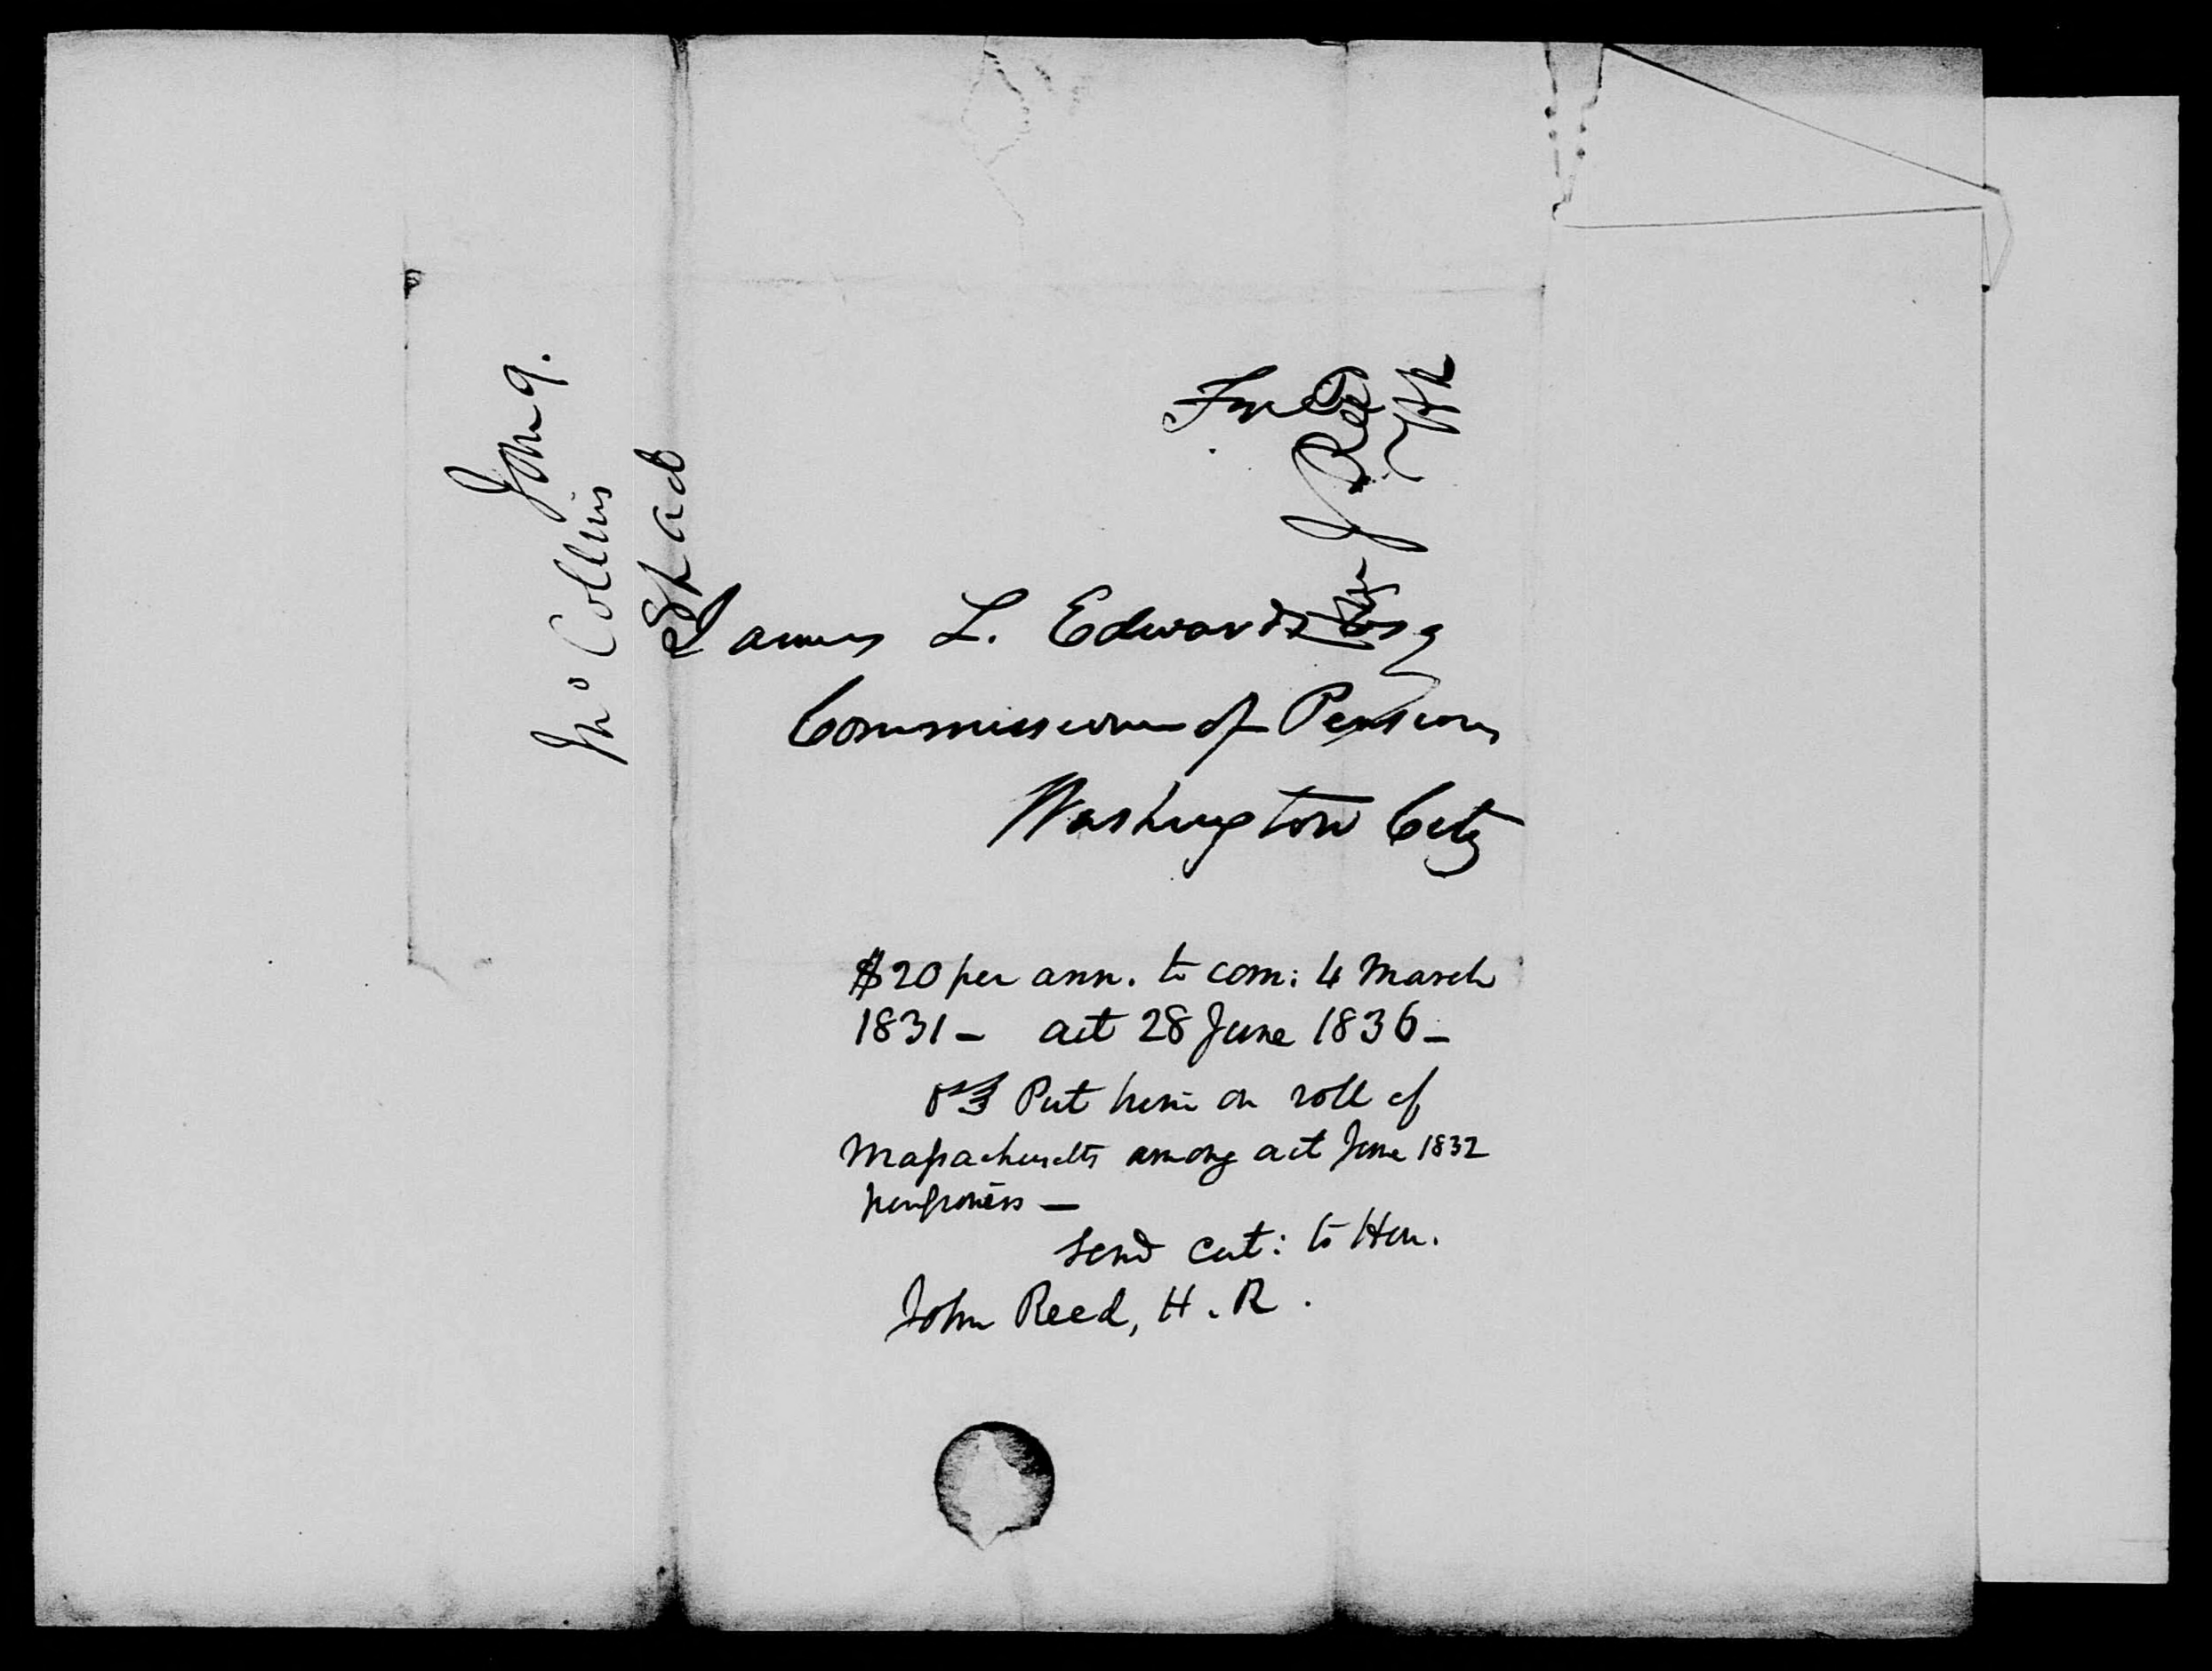Han 9
Jon Collins

James L. Edwards Esq Commissioner of Pension Washington City 

$20 per ann. to com: 4 March 1831- act 28 June 1836. 

put him on roll of Massachusetts among act June 1832 pensioners - 

Send cut  to Hon John Reed, H. R. --- -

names: Jno Collins, James L Edwards, John Reed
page: 14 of 43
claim: survivor's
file: S. 29,732, John Collins, Mass. Navy